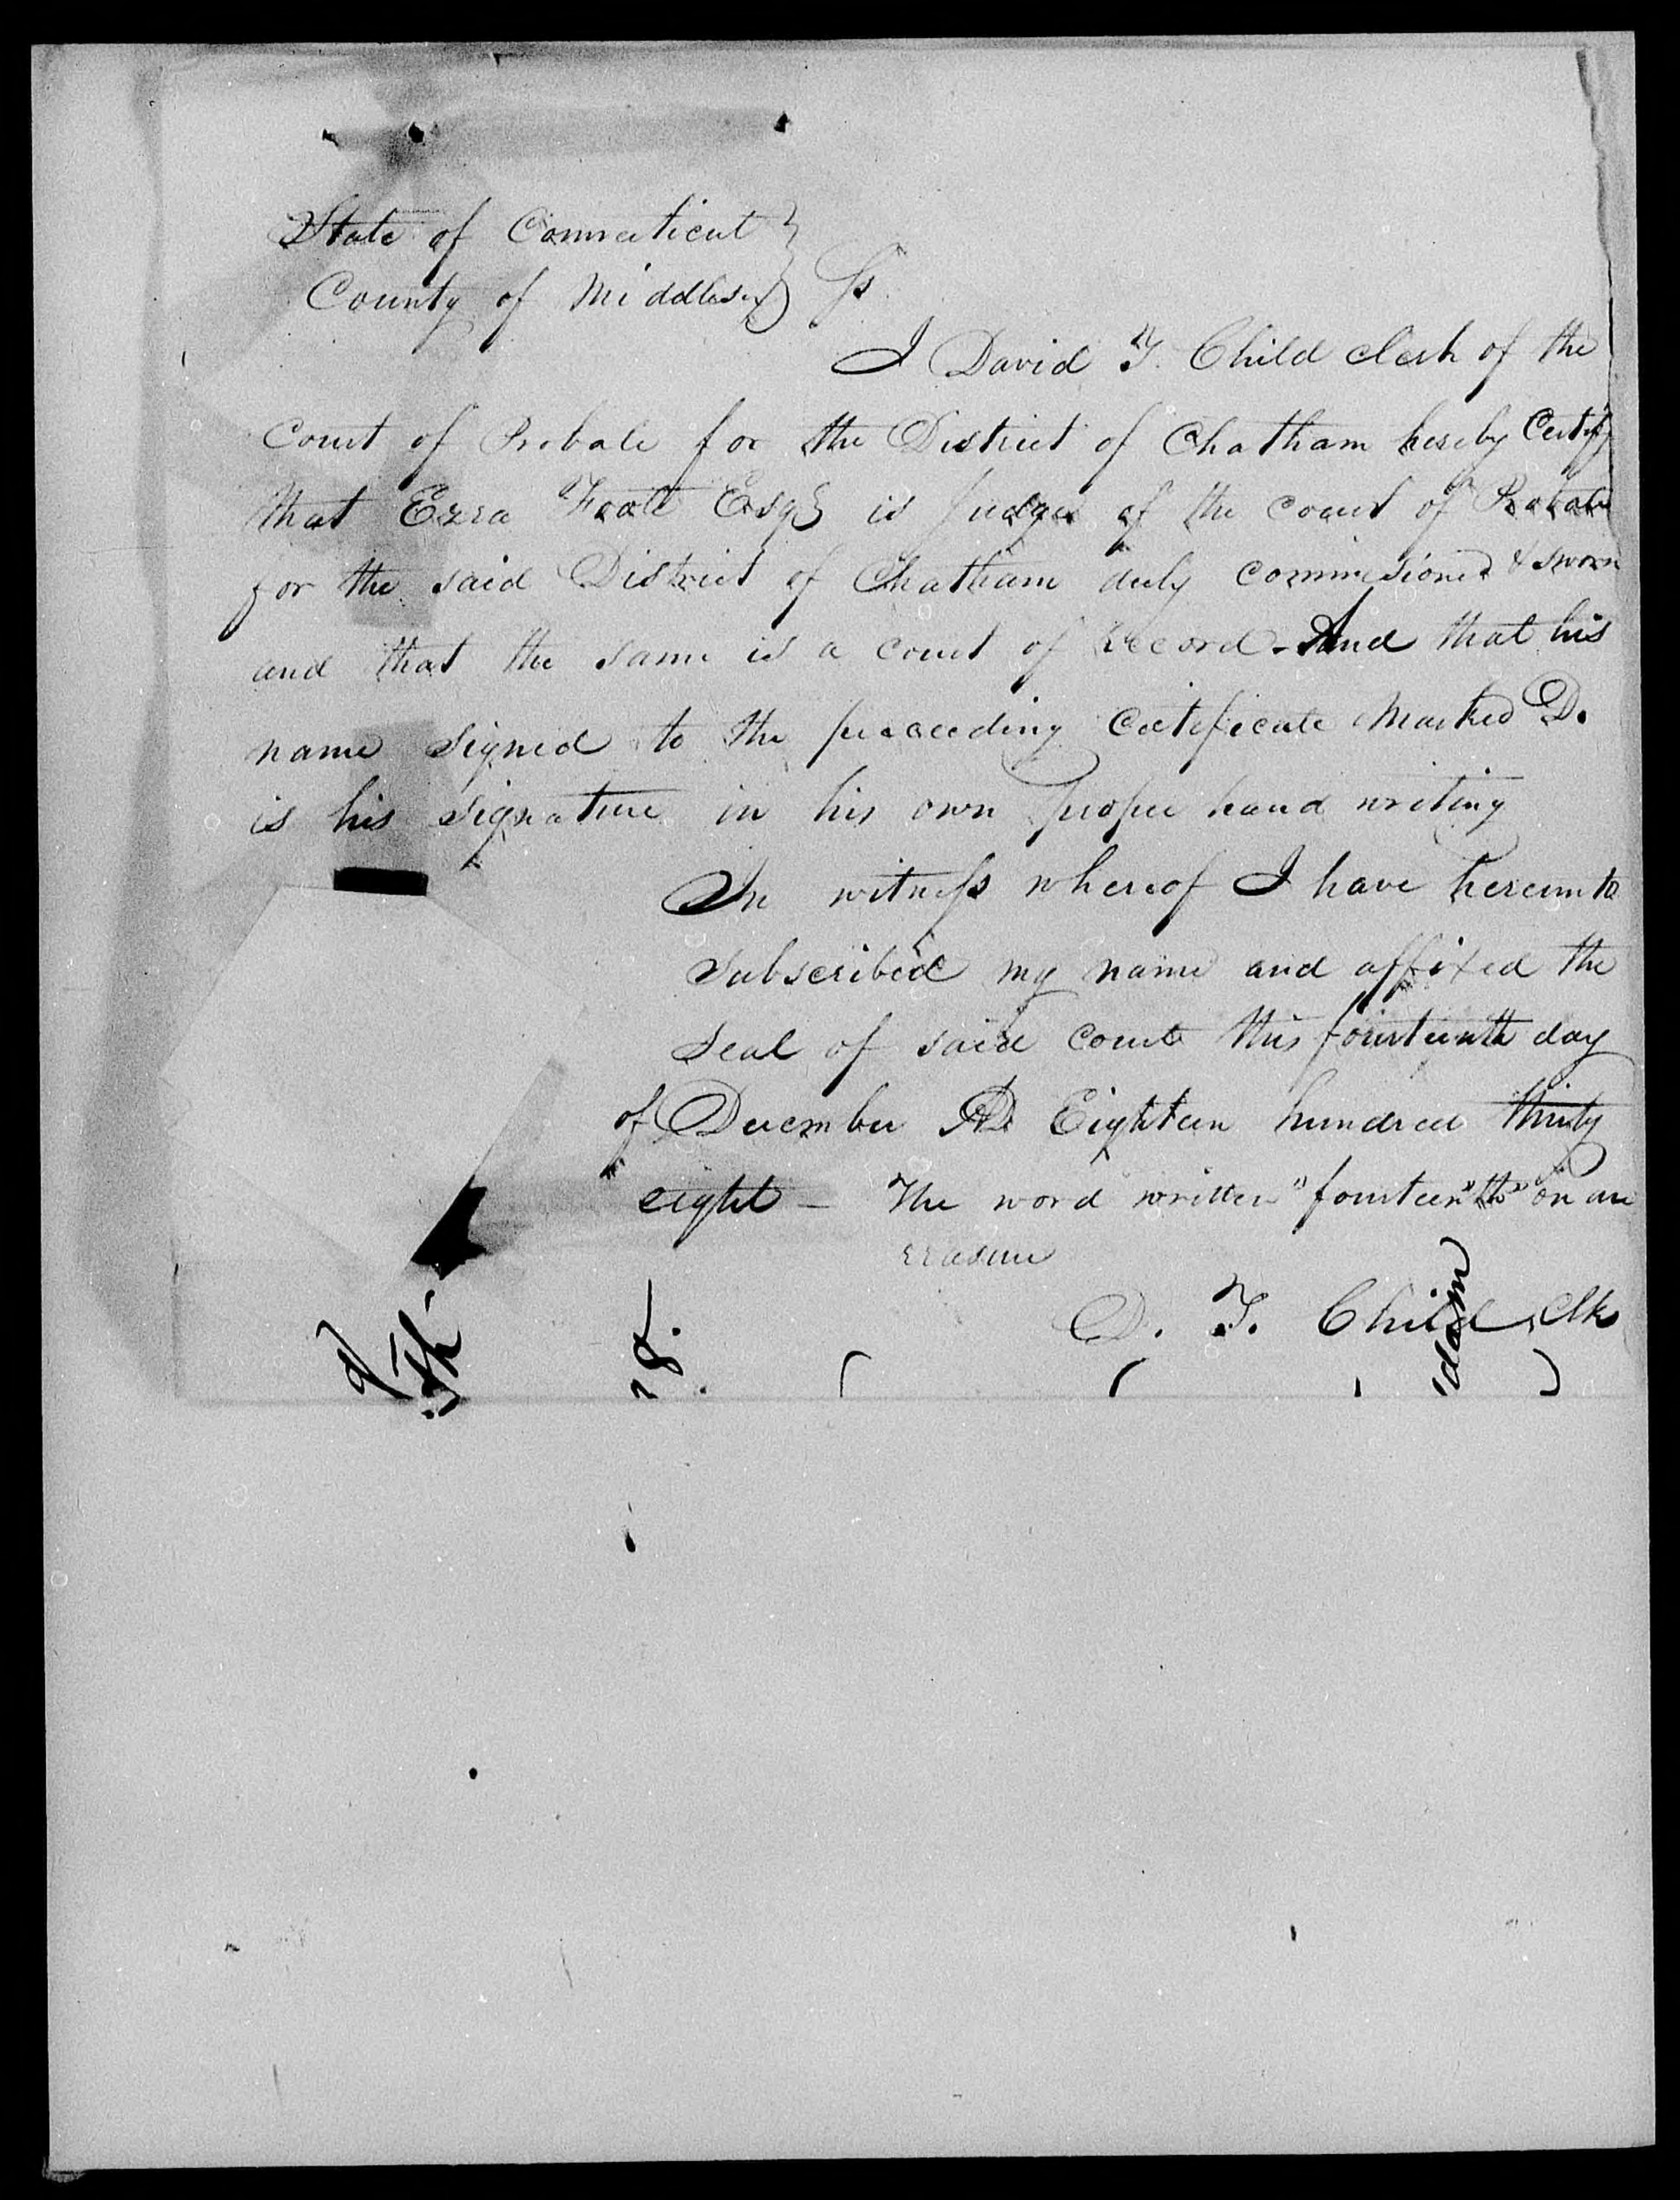State of Connecticut
County of Middlesex ss

I David T. Child clerk of the Court of Probate for the District of Chatham hereby certify that Ezra Foote Esq is Judge of the court of Probate for the said District of Chatham duly commissioned & sworn and that the same is a court of record. And that his name signed to the preceeding Certificate marked D. is his signature in his own proper hand writing

In witness whereof I have hereunto 
subscribed my name and affixed the 
Seal of said Court this fourteenth day
of December AD Eighteen hundred thirty
eight - The word written "fourteenth" on an
erasure

D. T. Child, Clk

[Square piece of paper at left appears to be affixed over ribbons]

[There is vertical writing at the bottom of the document which is cut off or folded over]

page: 14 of 47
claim: widow's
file: W. 17879, for Seth Strong, Connecticut